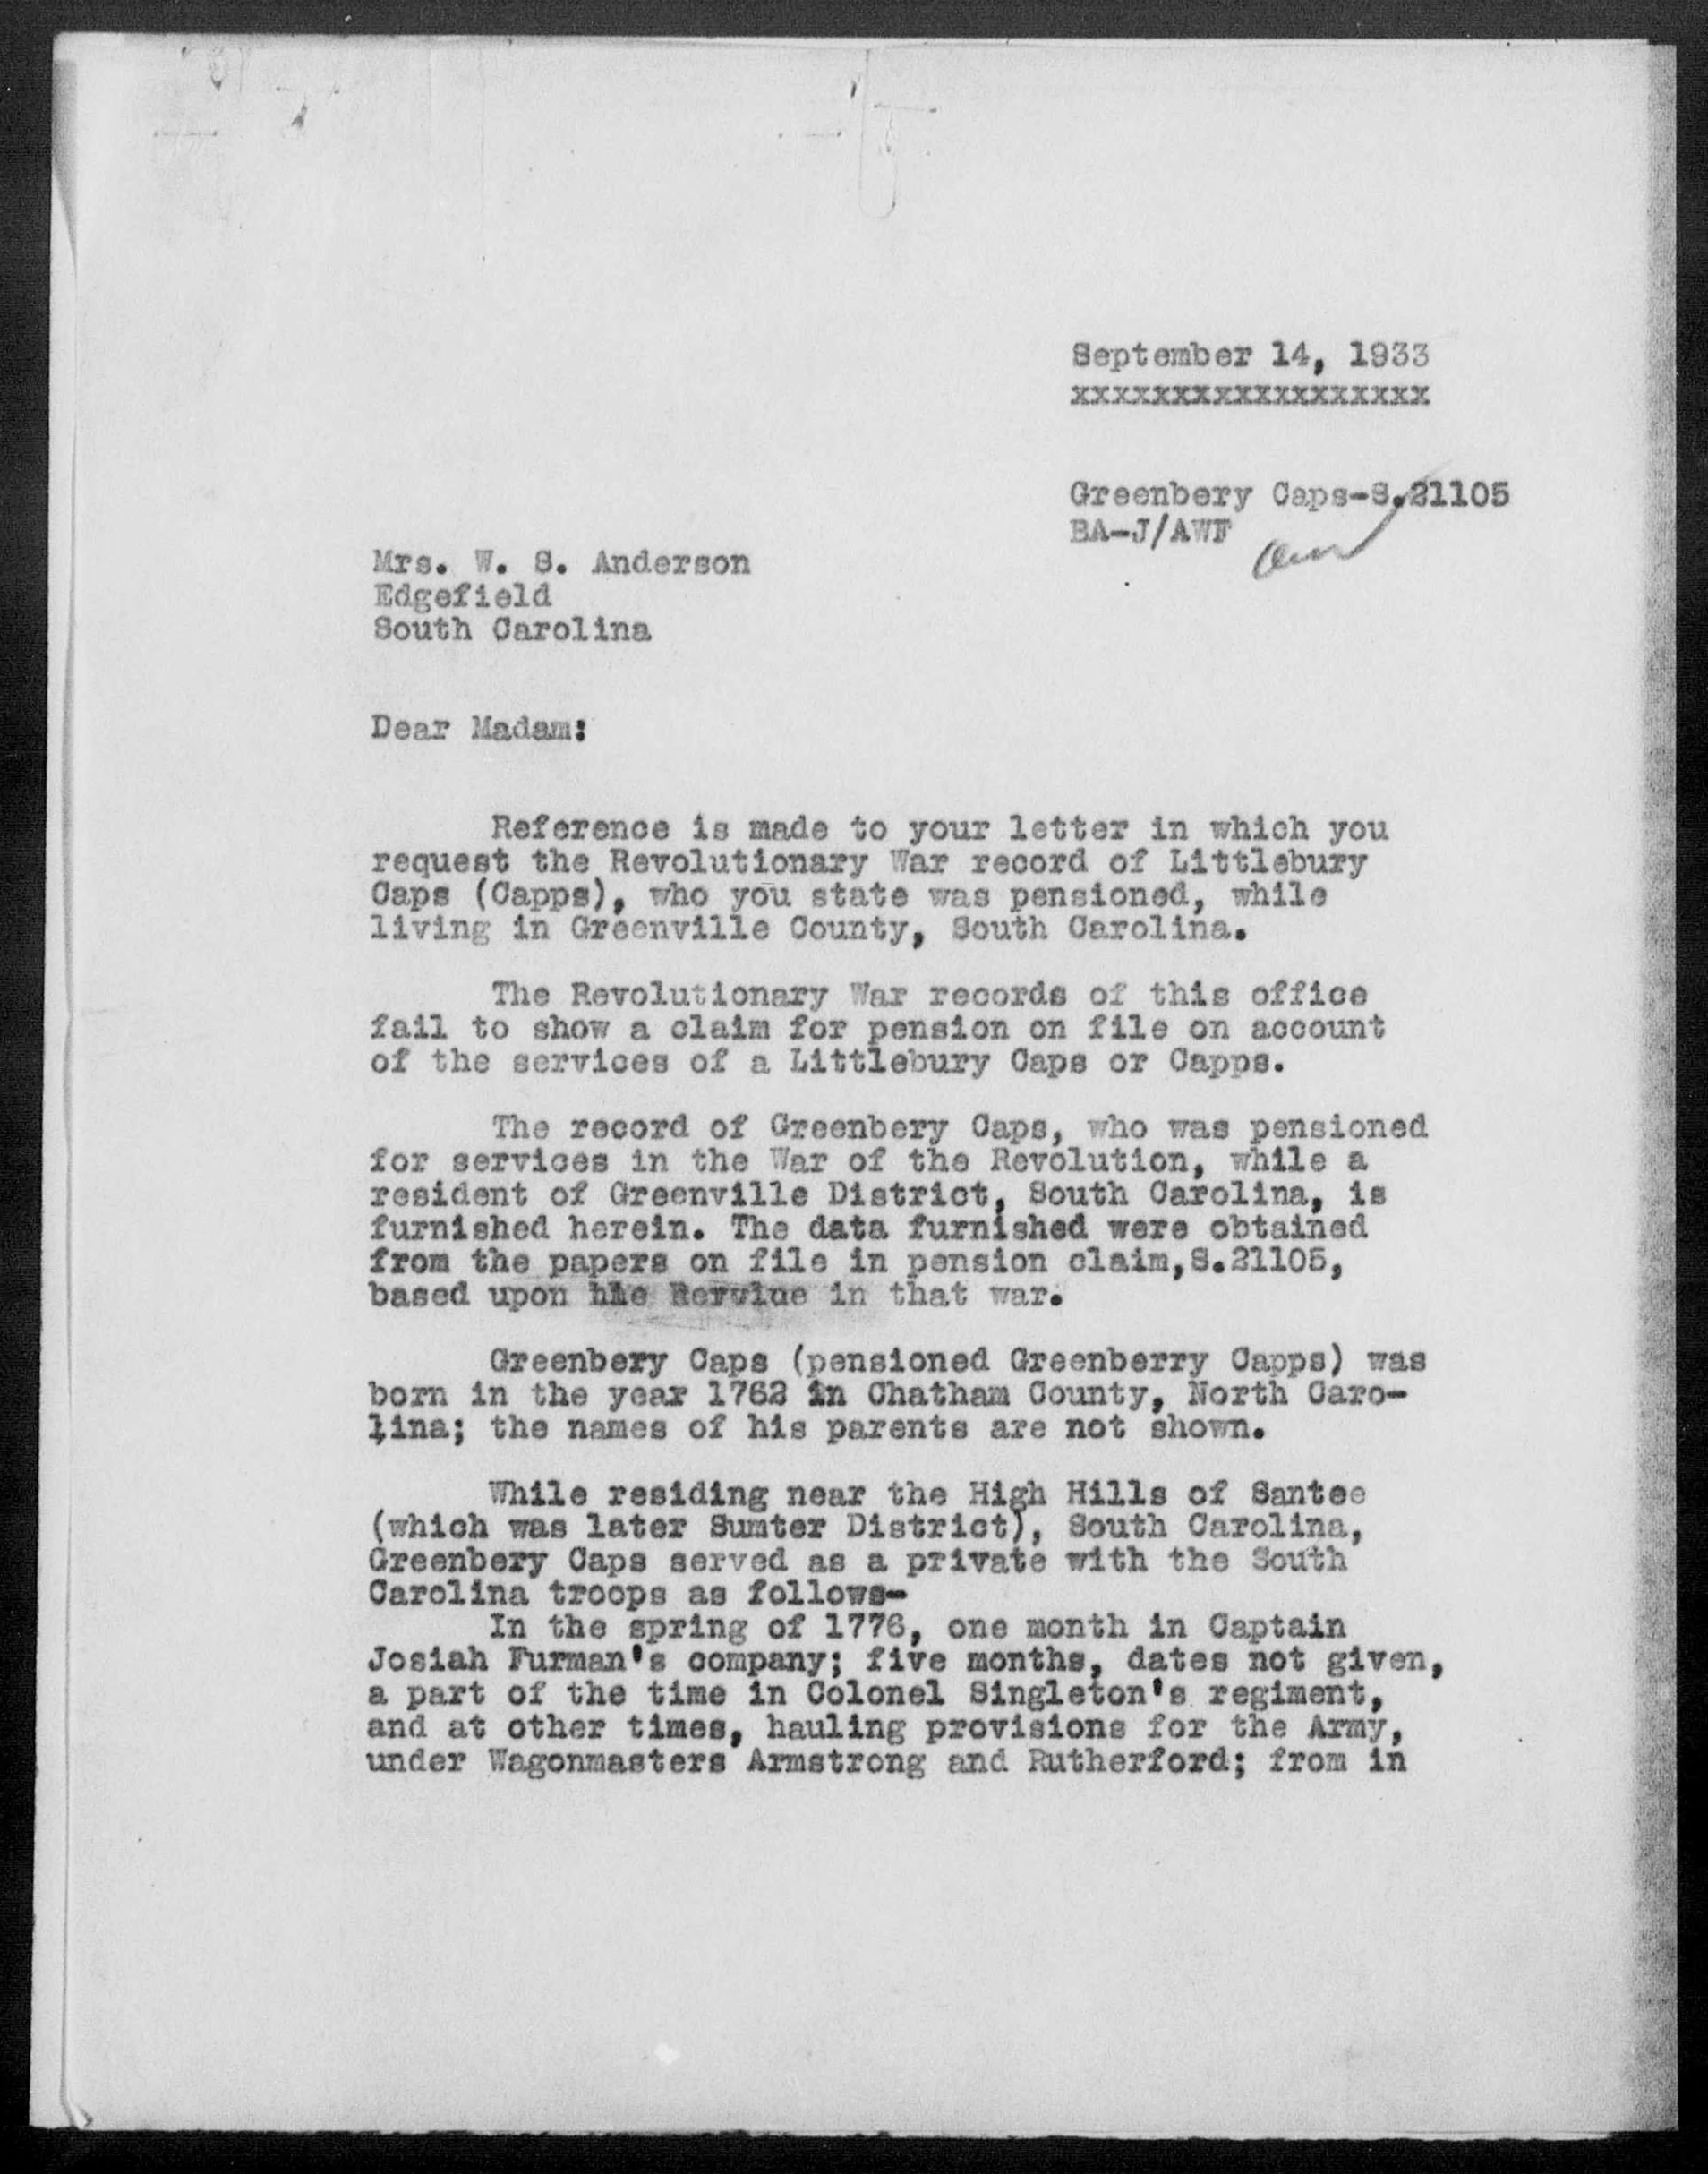September 14, 1933
XXXXXXXXXXXXXXXXXX
Greenbery Caps-S.21105
BA-J/AWF
[illegible handwritten]

Mrs. W. S. Anderson
Edgefield
South Carolina

Dear Madam:

Reference is made to your letter in which you
request the Revolutionary War record of Littlebury Caps (Capps), who you state was pensioned, while living in Greenville County, South Carolina.

The Revolutionary War records of this office
fail to show a claim for pension on file on account of the services of a Littlebury Caps or Capps.

The record of Greenbery Caps, who was pensioned for services in the War of the Revolution, while a resident of Greenville District, South Carolina, is furnished herein. The data furnished were obtained from the papers on file in pension claim, S.21105, based upon his service in that war.

Greenbery Caps (pensioned Greenberry Capps) was born in the year 1762 in Chatham County, North Carolina; the names of his parents are not shown.

While residing near the High Hills of Santee
(which was later Sumter District), South Carolina, Greenbery Caps served as a private with the South Carolina troops as follows-
In the spring of 1776, one month in Captain
Josiah Furman's company; five months, dates not given, a part of the time in Colonel Singleton's regiment, and at other times, hauling provisions for the Army, under Wagonmasters Armstrong and Rutherford; from in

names: Littlebury Capps, Greenberry Capps, W S Anderson, Rutherford, Greenbery Caps, Greenbery Caps, Greenbery Caps, Armstrong, Littlebury Caps, Littlebury Caps, Littlebury Capps, Greenbery Caps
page: 9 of 26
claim: survivor's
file: S. 21105, Greenbery Caps, S.C.